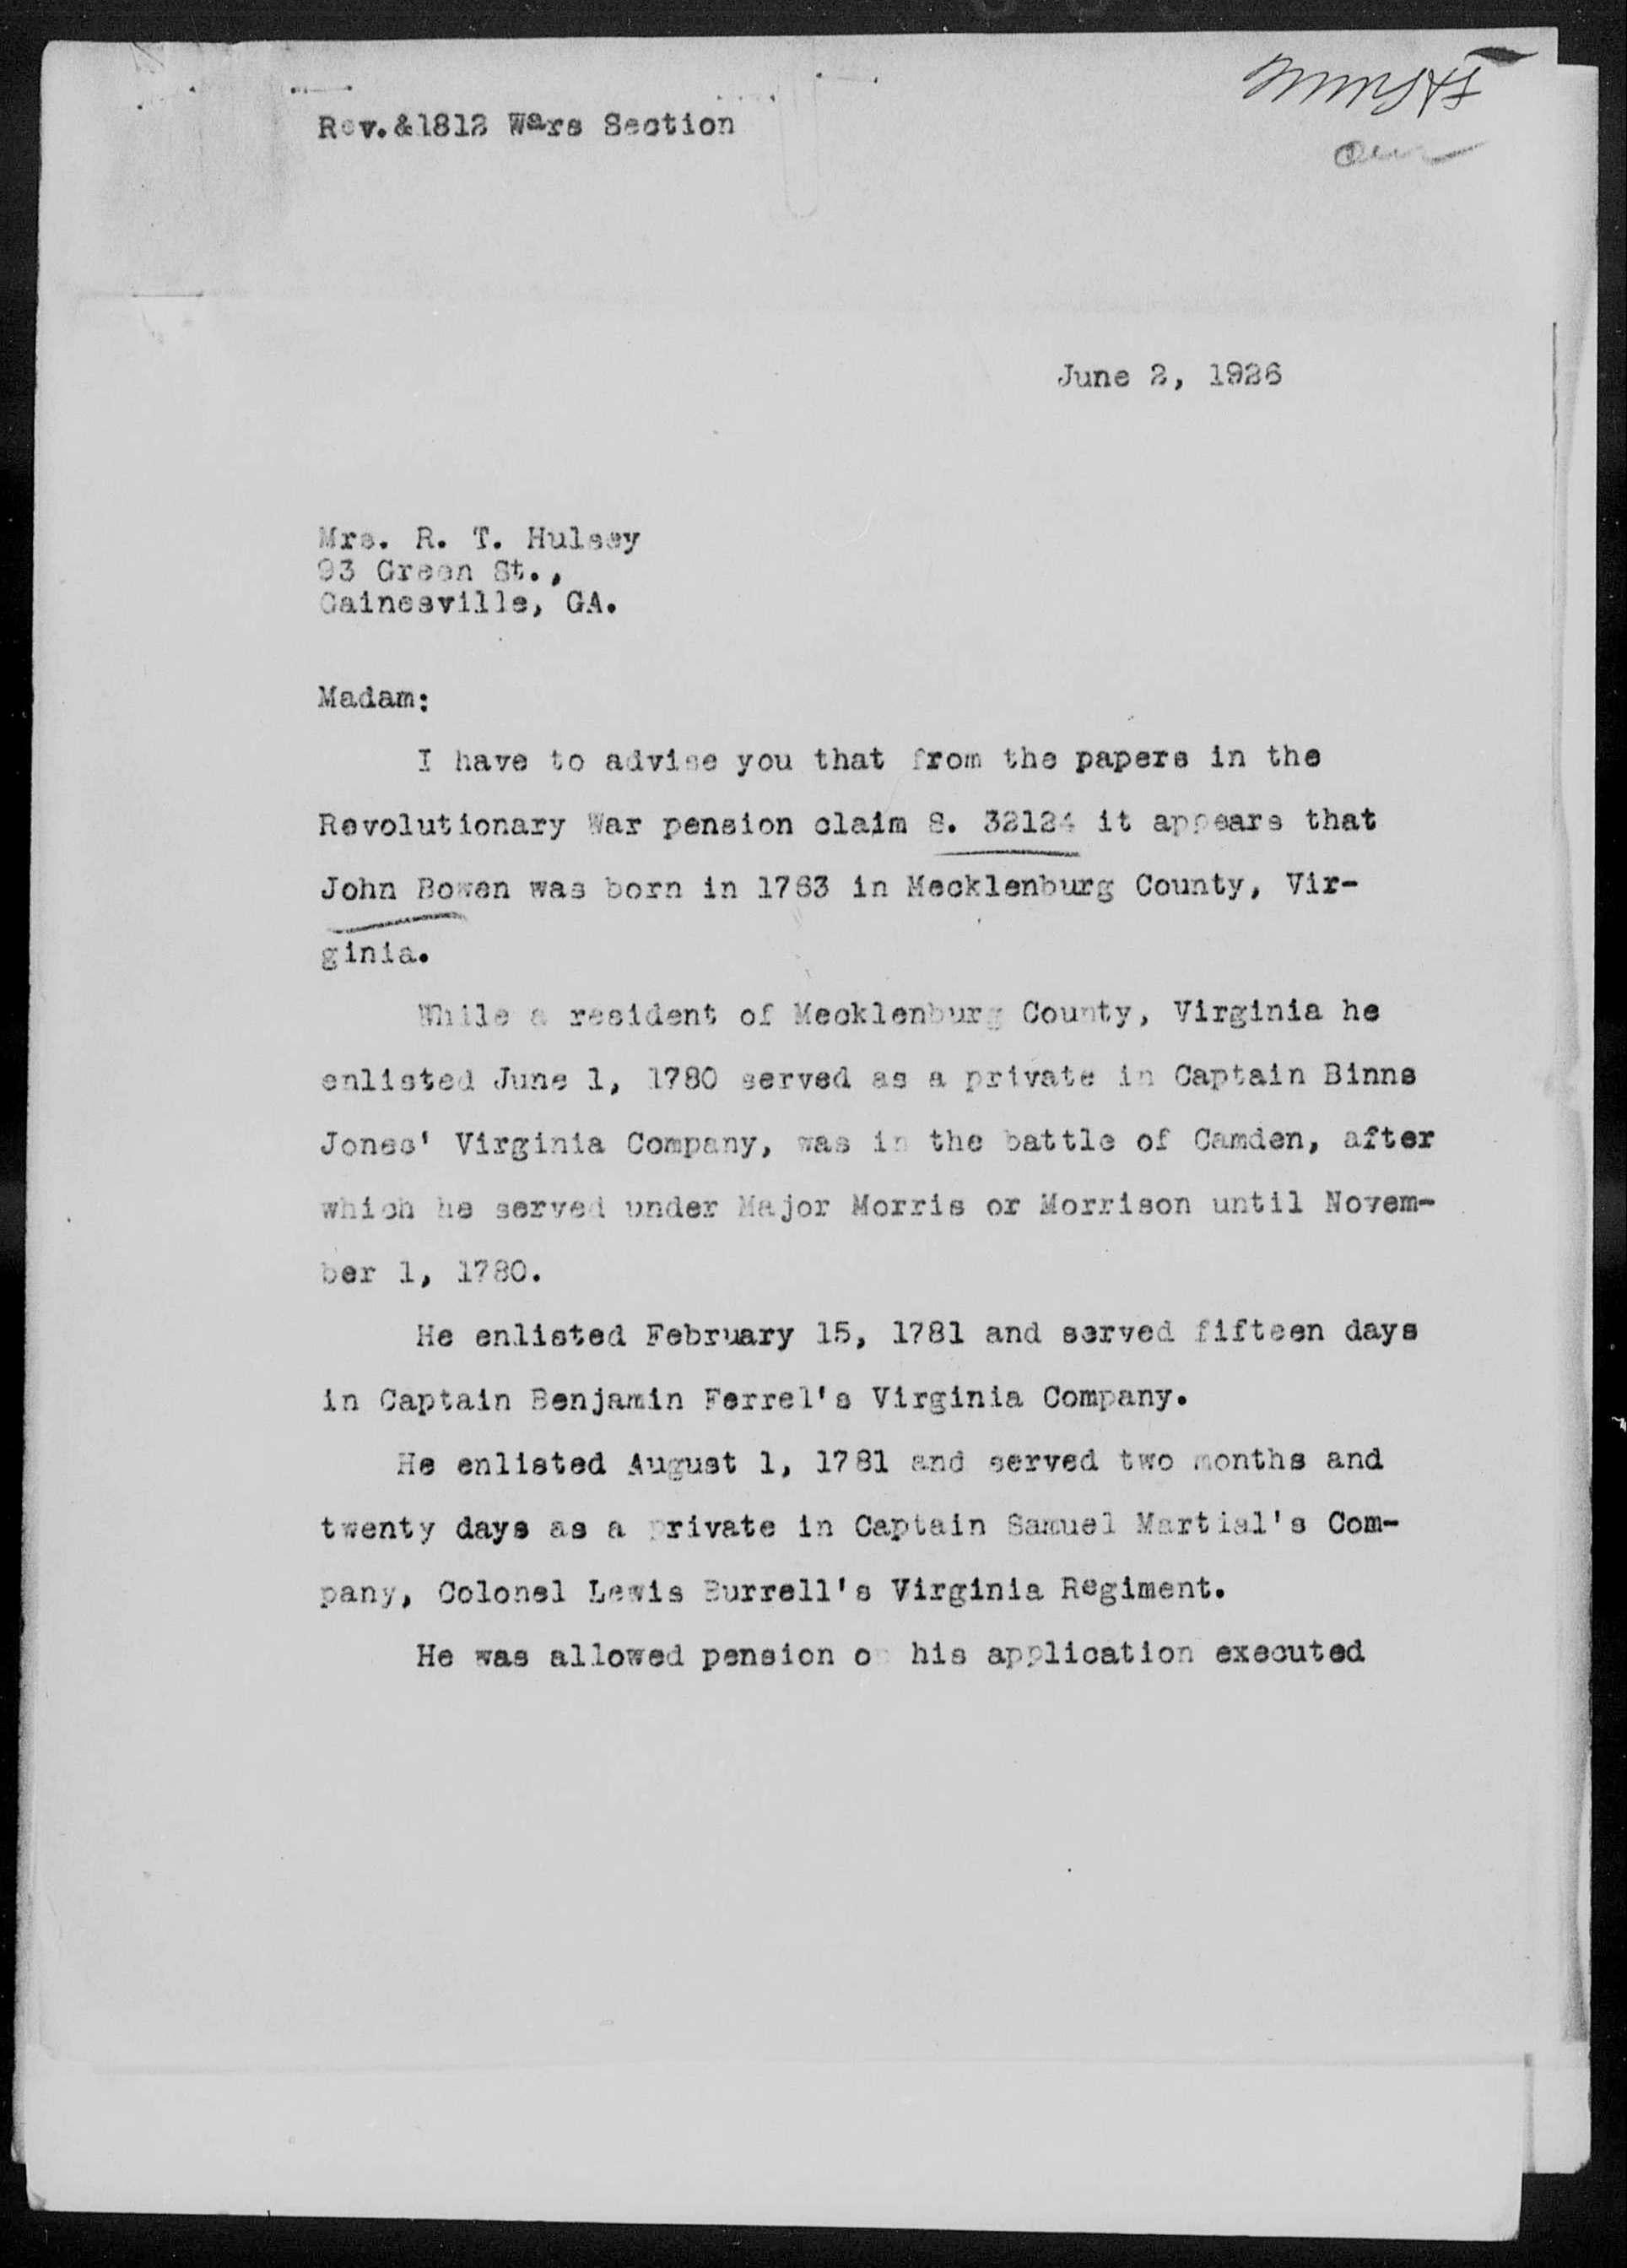Mrs. R. T. Hulsey
93 Green St.,
Gainesville, GA.

Madam
I have to advise you that from the papers in the Revolutionary War pension claim S. 32124 it appears that John Bowen was born in 1783 in Mecklenburg County, Virginia.
While a resident of Mecklenburg County, Virginia he enlisted June 1, 1780 served as a private in Captain Binns Jones' Virginia Company, was in the battle of Camden, after which he served under Major Morris or Morrison until November 1, 1780.
He enlisted February 15, 1781 and served fifteen days in Captain Benjamin Ferrel'ss  Virginia Company.
He enlisted August 1, 1781 and served two months and twenty days as a private in Captain Samuel Martial's Company, Colonel Lewis Burrell's Virginia Regiment.
He was allowed pension on his application executed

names: R T Hulsey, Morris, Morrison, John Bowen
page: 9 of 20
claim: survivor's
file: S. 32,124, John Bowen, Va.